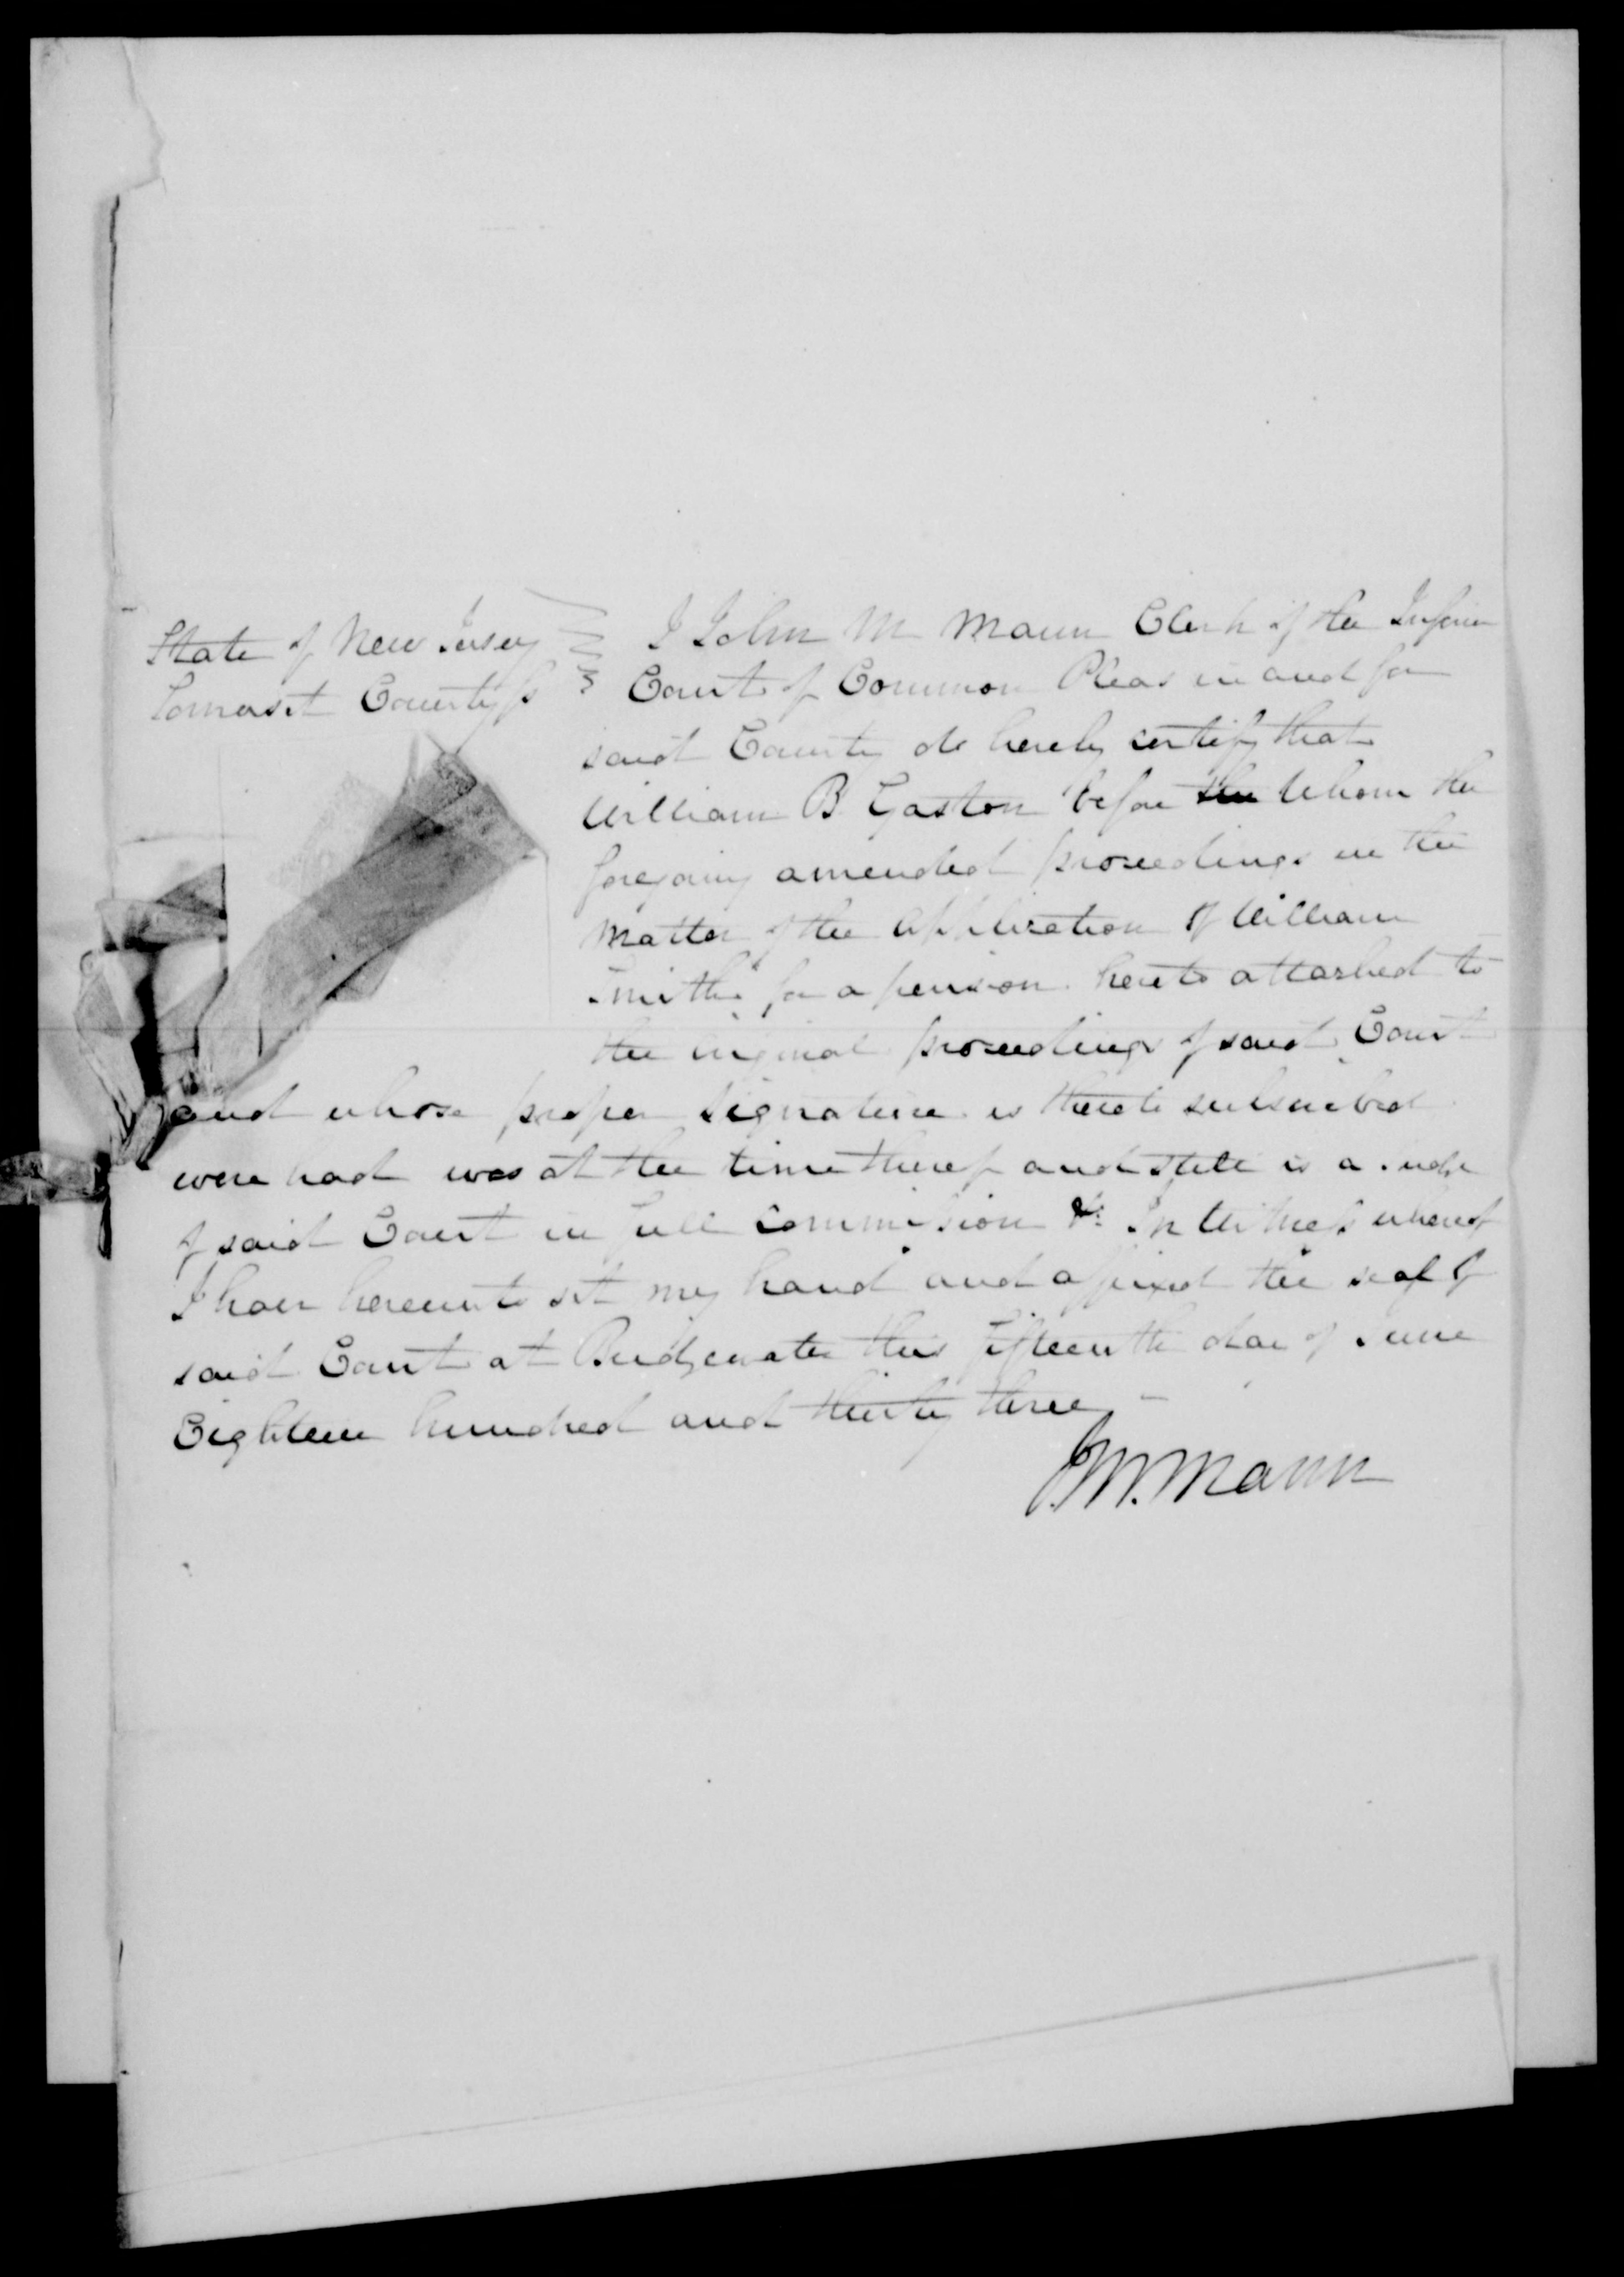State of New
I John M Mann Clerk of In
Court of Common Pleas in and for
said Court do hereby certify that
William B Caston before the above the
foreing amended proceedings in the
matter the apperation of William
Smith for a pension hereto attached to
the uninal proceedings of said Court
whose proper signature is thereto subscribed
were had was at the time thereof and still is a
of said Court in all commision & In witness where of
has here unto set my hand and a fixed the seal of
said Court at Bridgewater the fifteenth day of June
Comas County
Eighteen hundred and thirty Mann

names: John M Mann; William Smith; William B Gaston; J M Mann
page: 15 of 27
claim: survivor's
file: S. 915, for William Smith, New Jersey